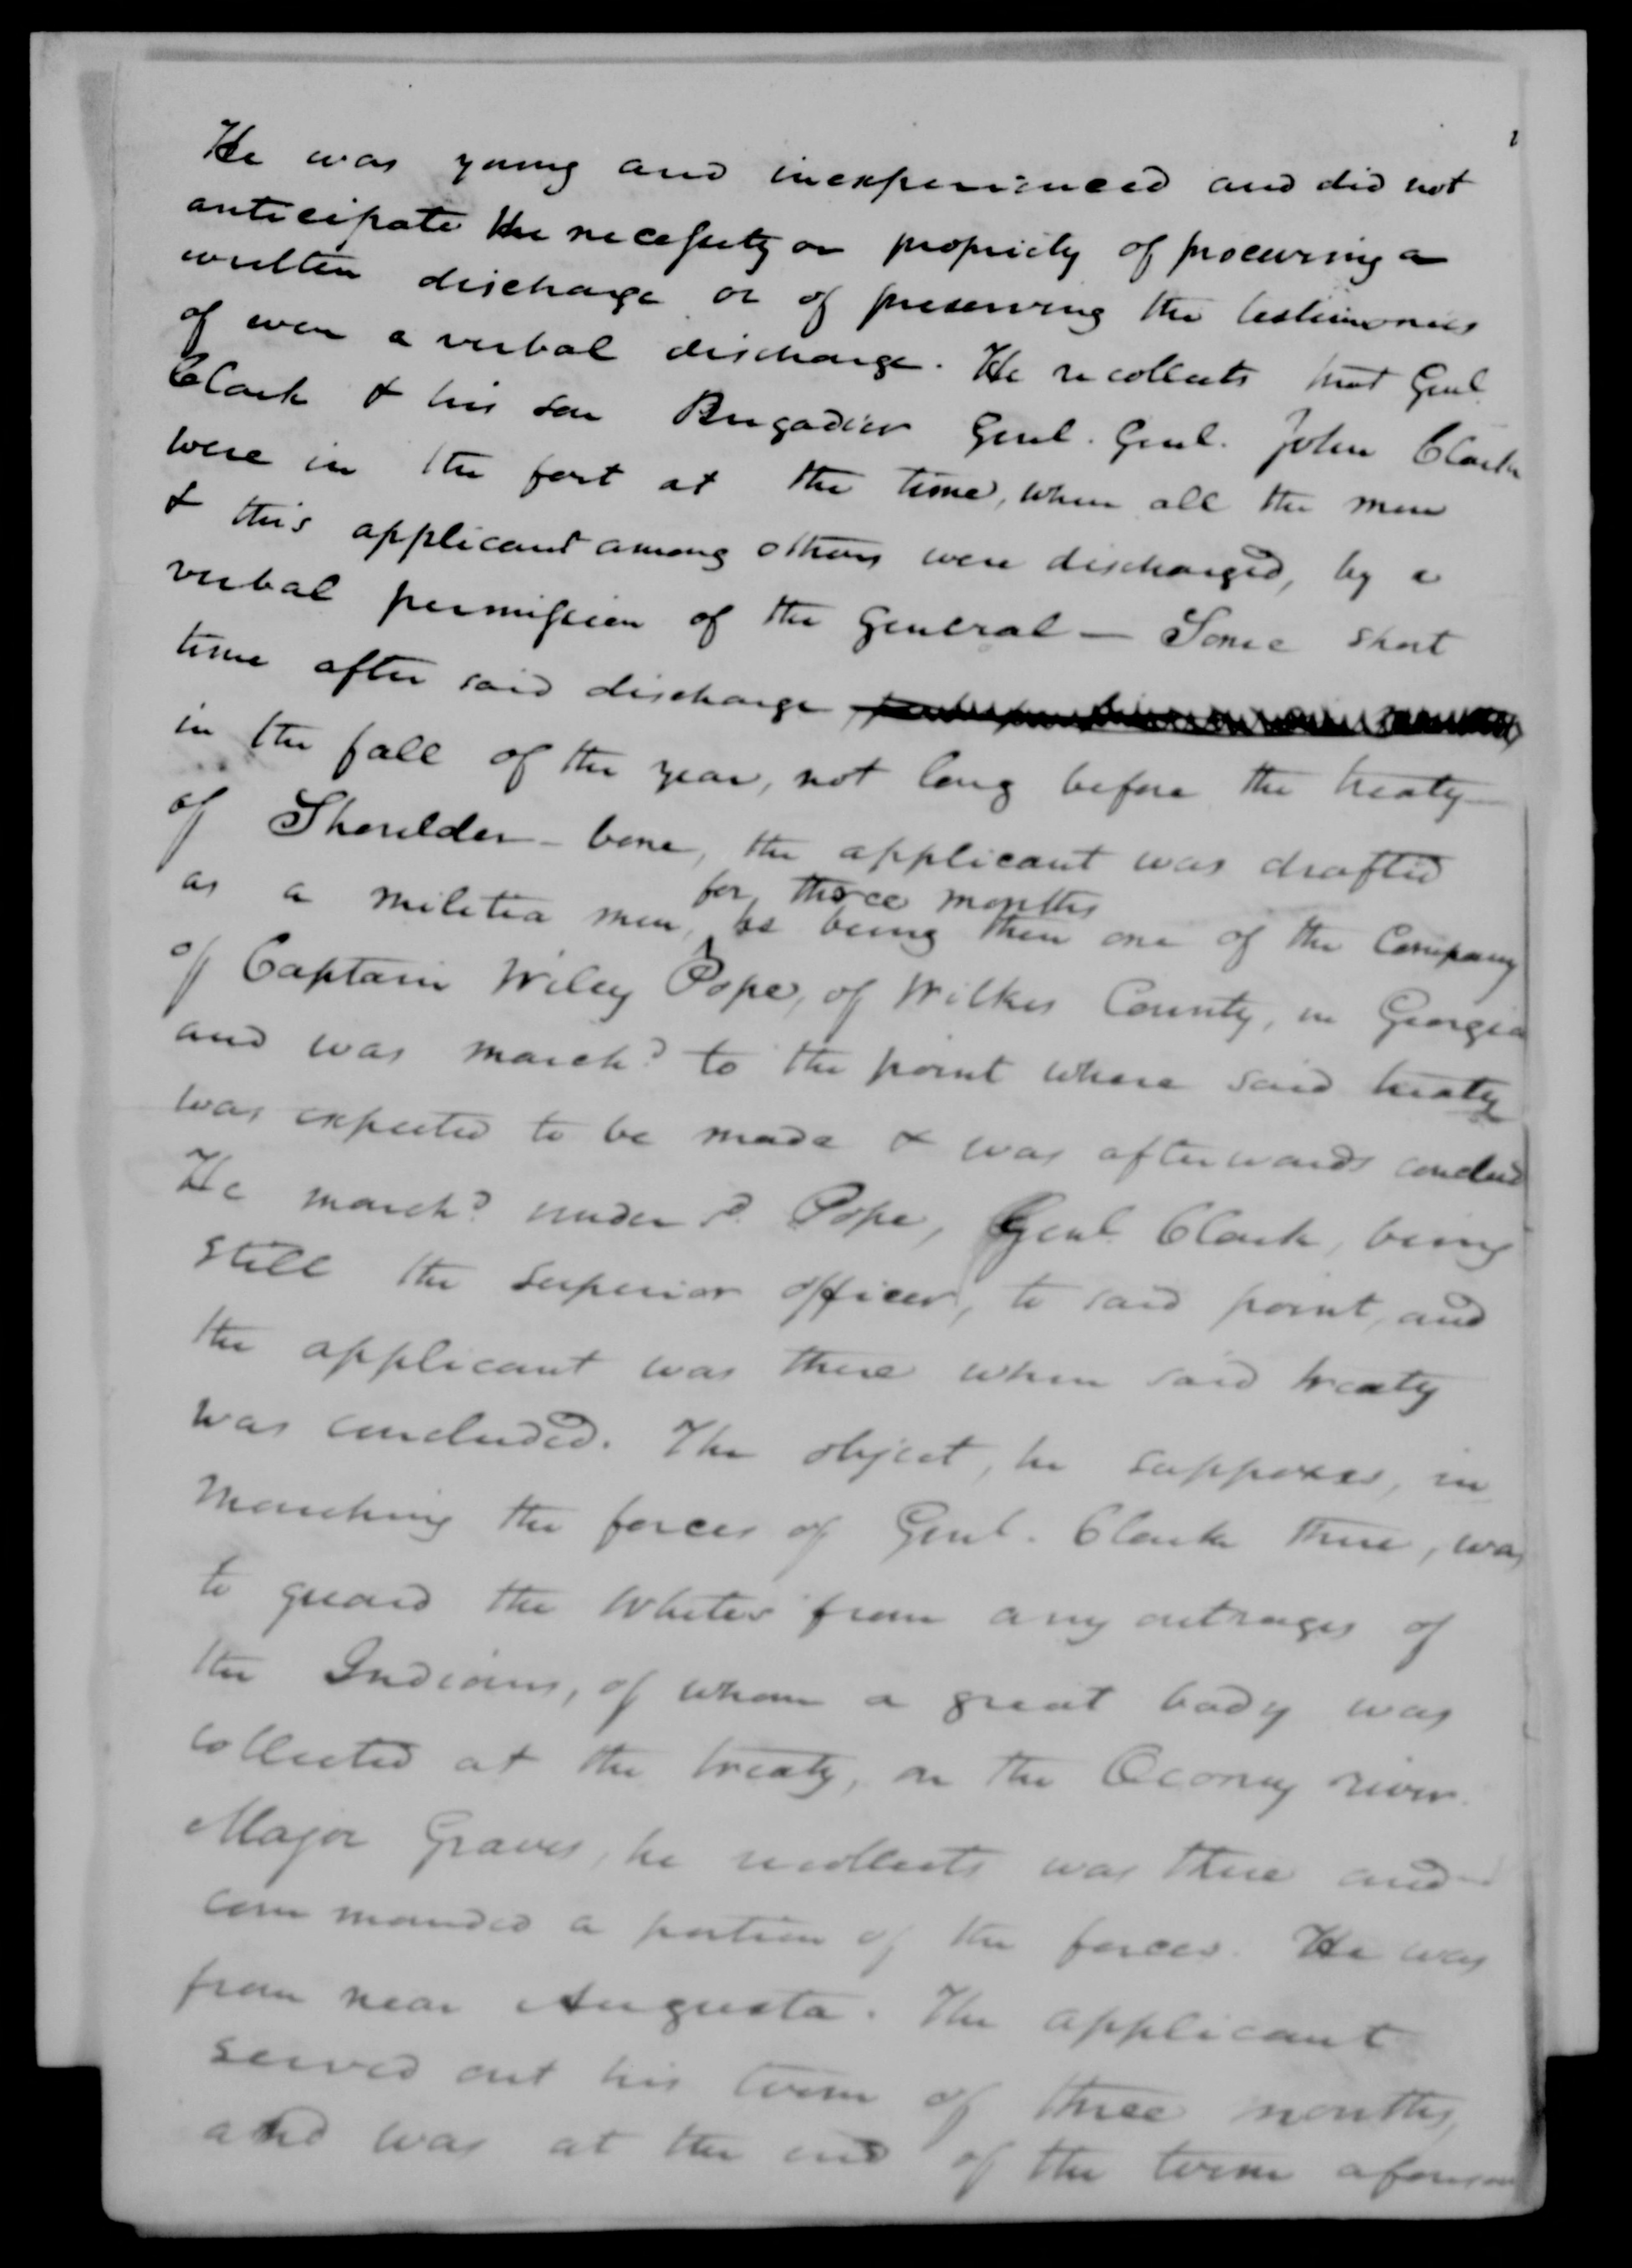He was young and inexperienced and did not
anticipate the necessity or propriety of procuring a written discharge or of preserving the testimonies of even a verbal discharge. He recollects that Genrl Clark & his Son Brigadier Genl. Genl. John Clark were in the fort at the time, when all the men this applicant among others were discharged, by a verbal permission of the General. Some short time after said discharge in the fall of the year, not long before the treaty of Shoulder Bone, the applicant was drafted as a militia men for three months as being then one of the Company
of Captain Wiley Pope, of Wilkes County, in Georgia and was marchd to the point where said treaty was expected to be made & was afterwards concluded. He marchd under sd [said] Pope, Genl Clark, being still the superior officer, to said point, and the applicant was there when said treaty was concluded. The object, he supposes, in marching the forces of Genl. Clark there, was to guard the Whites from any outrages of the Indians, of whom a great body was collected at the treaty, on the Oconey [Oconee] river. Major Graves he recollects was there and commanded a portion of the forces. He was from near Augusta. The applicant served out his term of three months,
and was at the end of the term aforesaid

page: 10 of 53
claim: widow's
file: W. 6,267, for John Thurman, Georgia